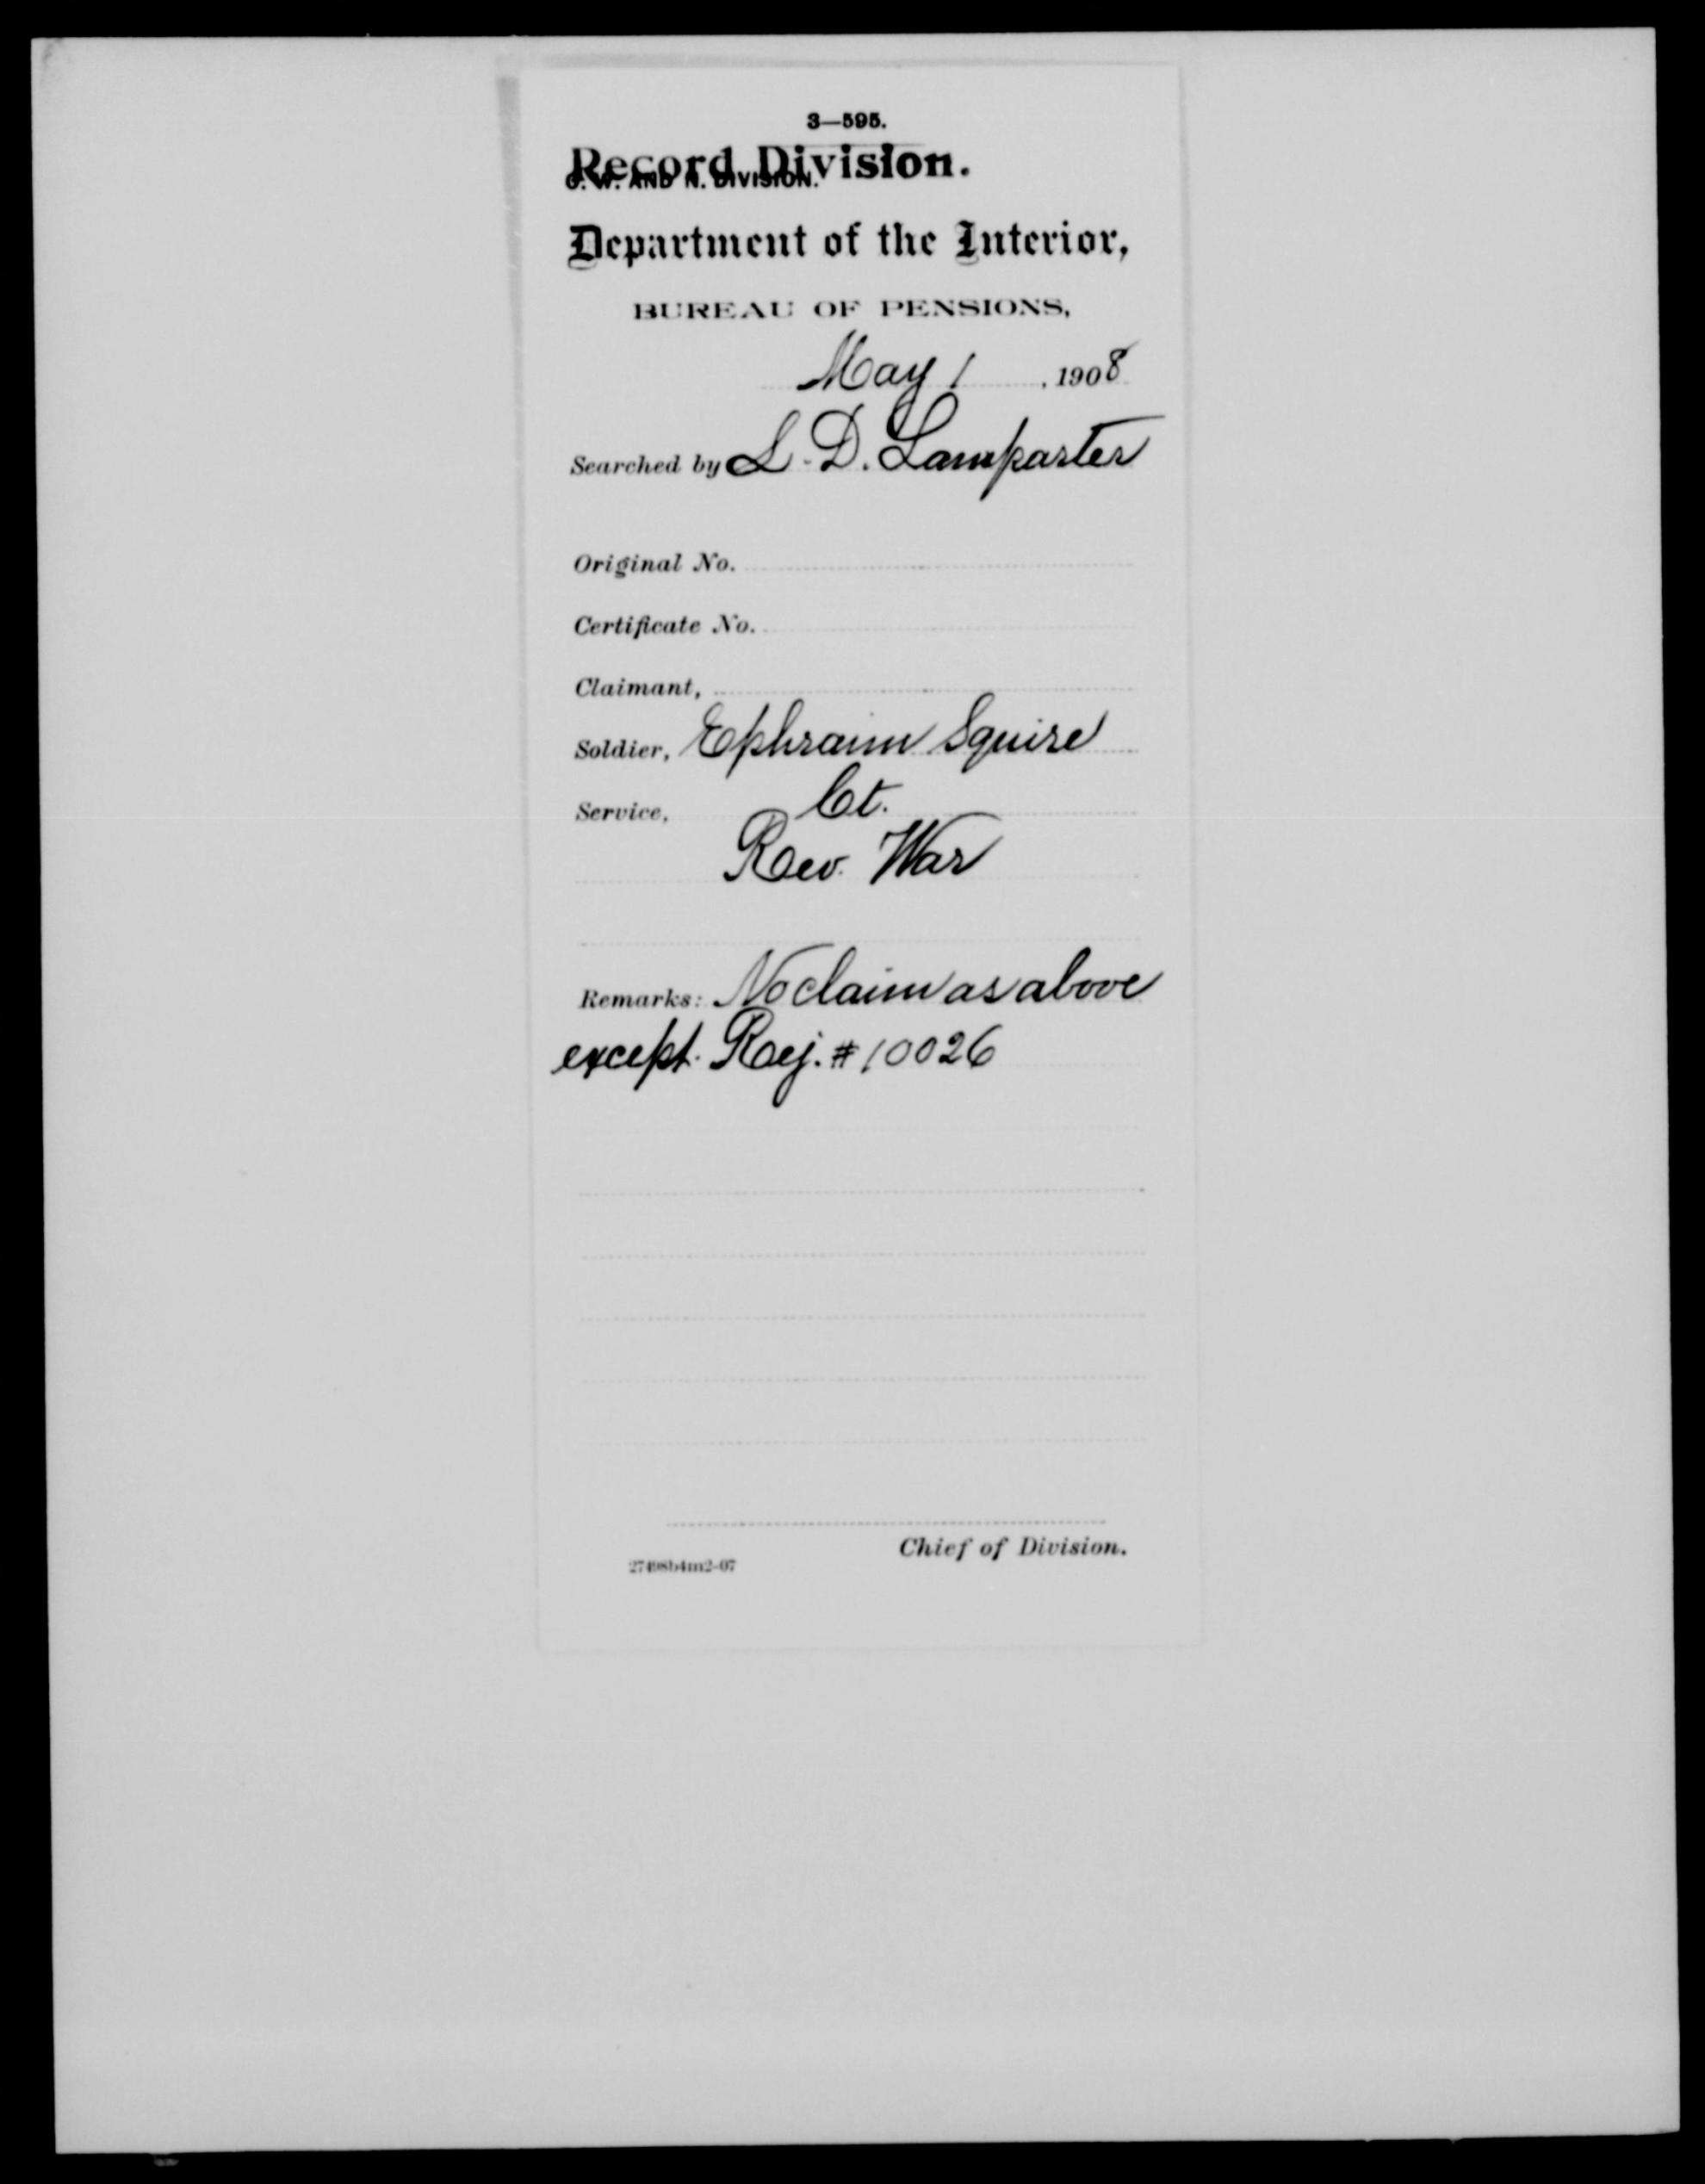3-595
Record Division.
G.W. and N. Division

Department of the Interior,
Bureau of Pensions
May 1, 1908

Searched by _S. D. Lamparter_
Original No. ______________
Certificate No. ____________
Claimant, ___________
Soldier, _Ephraim Squire_
Service, _____Ct.____
    _______Rev. War____

Remarks: No claim as above except Raj. #10026

Chief of Division.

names: Ephraim Squire; L D Lamparter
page: 57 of 70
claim: rejected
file: R. 10,026, for Ephraim Squier, Connecticut